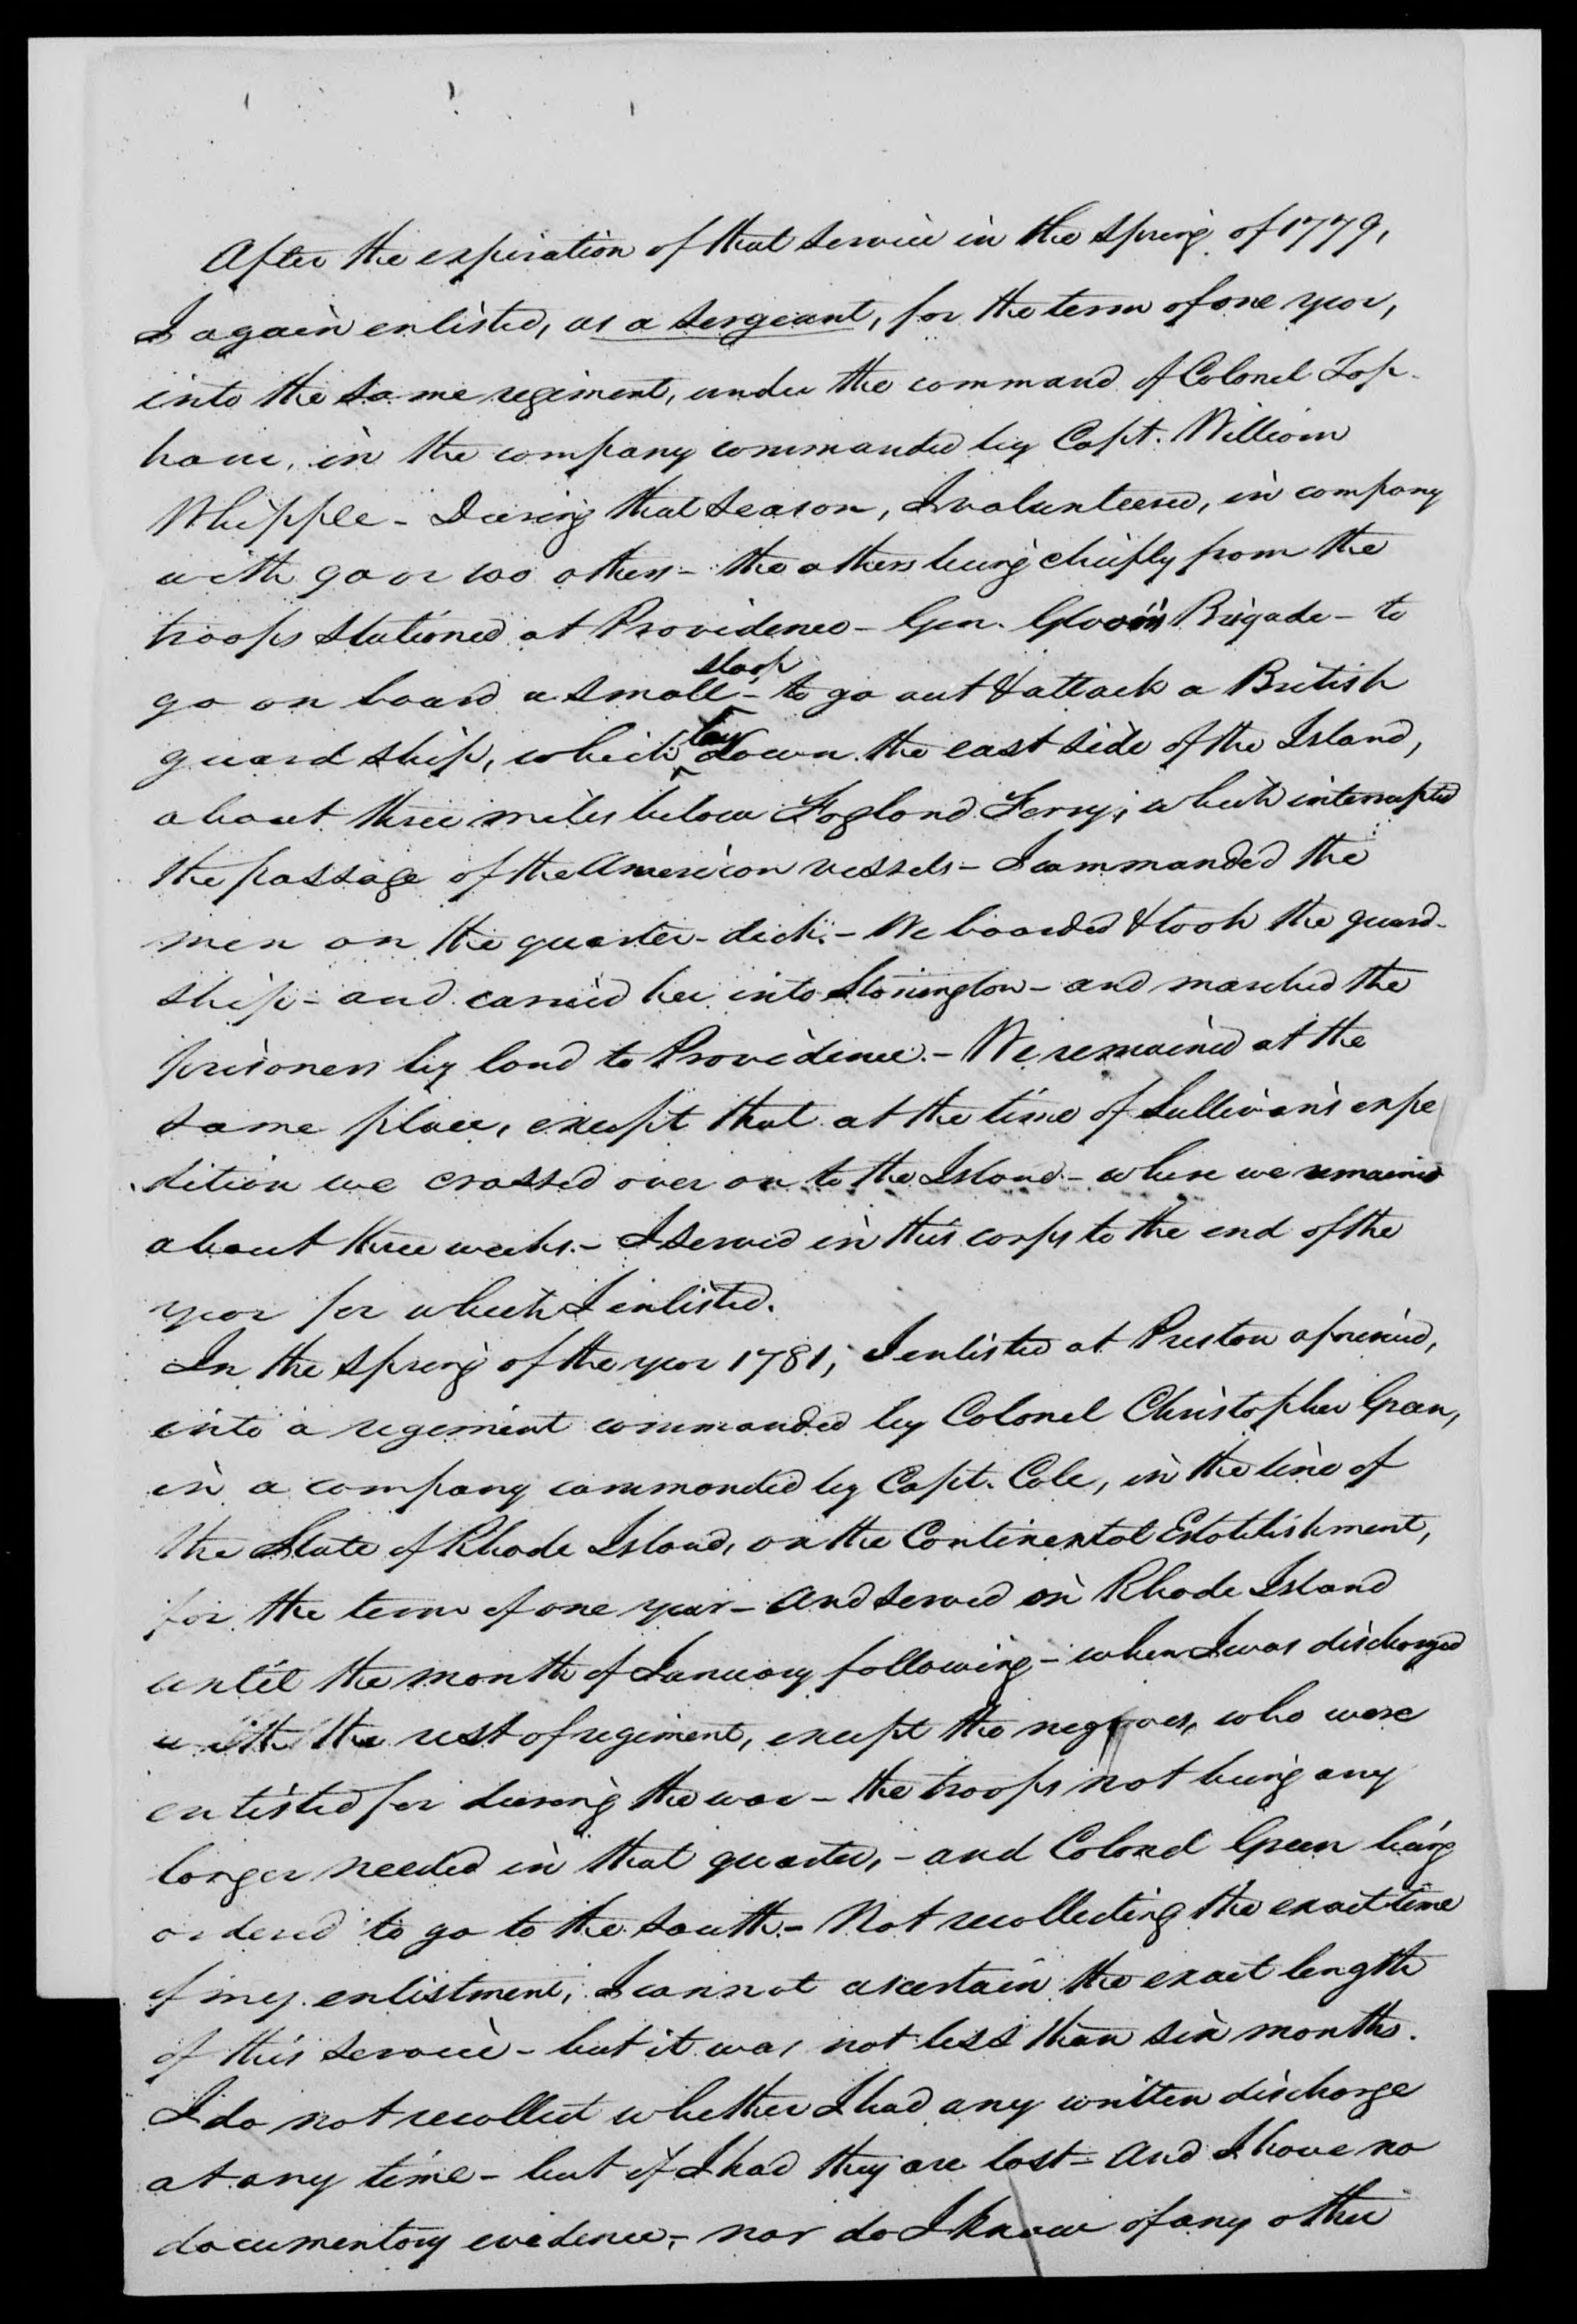After the expiration of that service in the spring of 1779,
I again enlisted, as a Sergeant, for the term of one year,
into the same regiment, under the command of Colonel Topham, 
in the company commanded by Capt. William
Whipple during that season, or volunteered, in company 
with 90 or so others the others being chiefly from the
troops stationed at Providence, Gen Glover's Brigade to
go on board a small sloop to go out & attack a British
guardship, which lay down the east side of the Island,
about three miles below Forlond Ferry, which interrupted
the passage of the American vessels. I commanded the
men on the quarterdeck. We boarded & took the guardship 
and carried her into Stonington, and marched the 
prisoners by land to Providence. We remained at the same
place, except that at the time of Sullivans expedition 
we crossed over on to the Island, where we remained
about three weeks. I served in this corps to the end of the
year for which I enlisted
In the spring of the year 1781, I enlisted at Preston aforesaid,
into a regiment commanded by Colonel Christopher Green,
in a company commanded by Capt. Cole, in the line of
the State of Rhode Island, on the Continental Establishment,
for the term of one year and served in Rhode Island
until the month of January following - when I was discharged
with the rest of regiment, except the negroes, who were
enlisted for during the war. - the troops not being any
longer needed in that quarter, and Colonel Green being
ordered to go to the South. Not recollecting the exact time
of my enlistment, I cannot ascertain the exact length
of this service, but it was not less than six months
I do not recollect whether I had any written discharge
at any time- but if I had they are lost - and I have no
documentary evidence, nor do I know of any other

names: Cole, Christopher Gran, Topham, Green, William Whipple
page: 15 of 62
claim: widow's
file: W. 21391, Robert Holley, Conn.